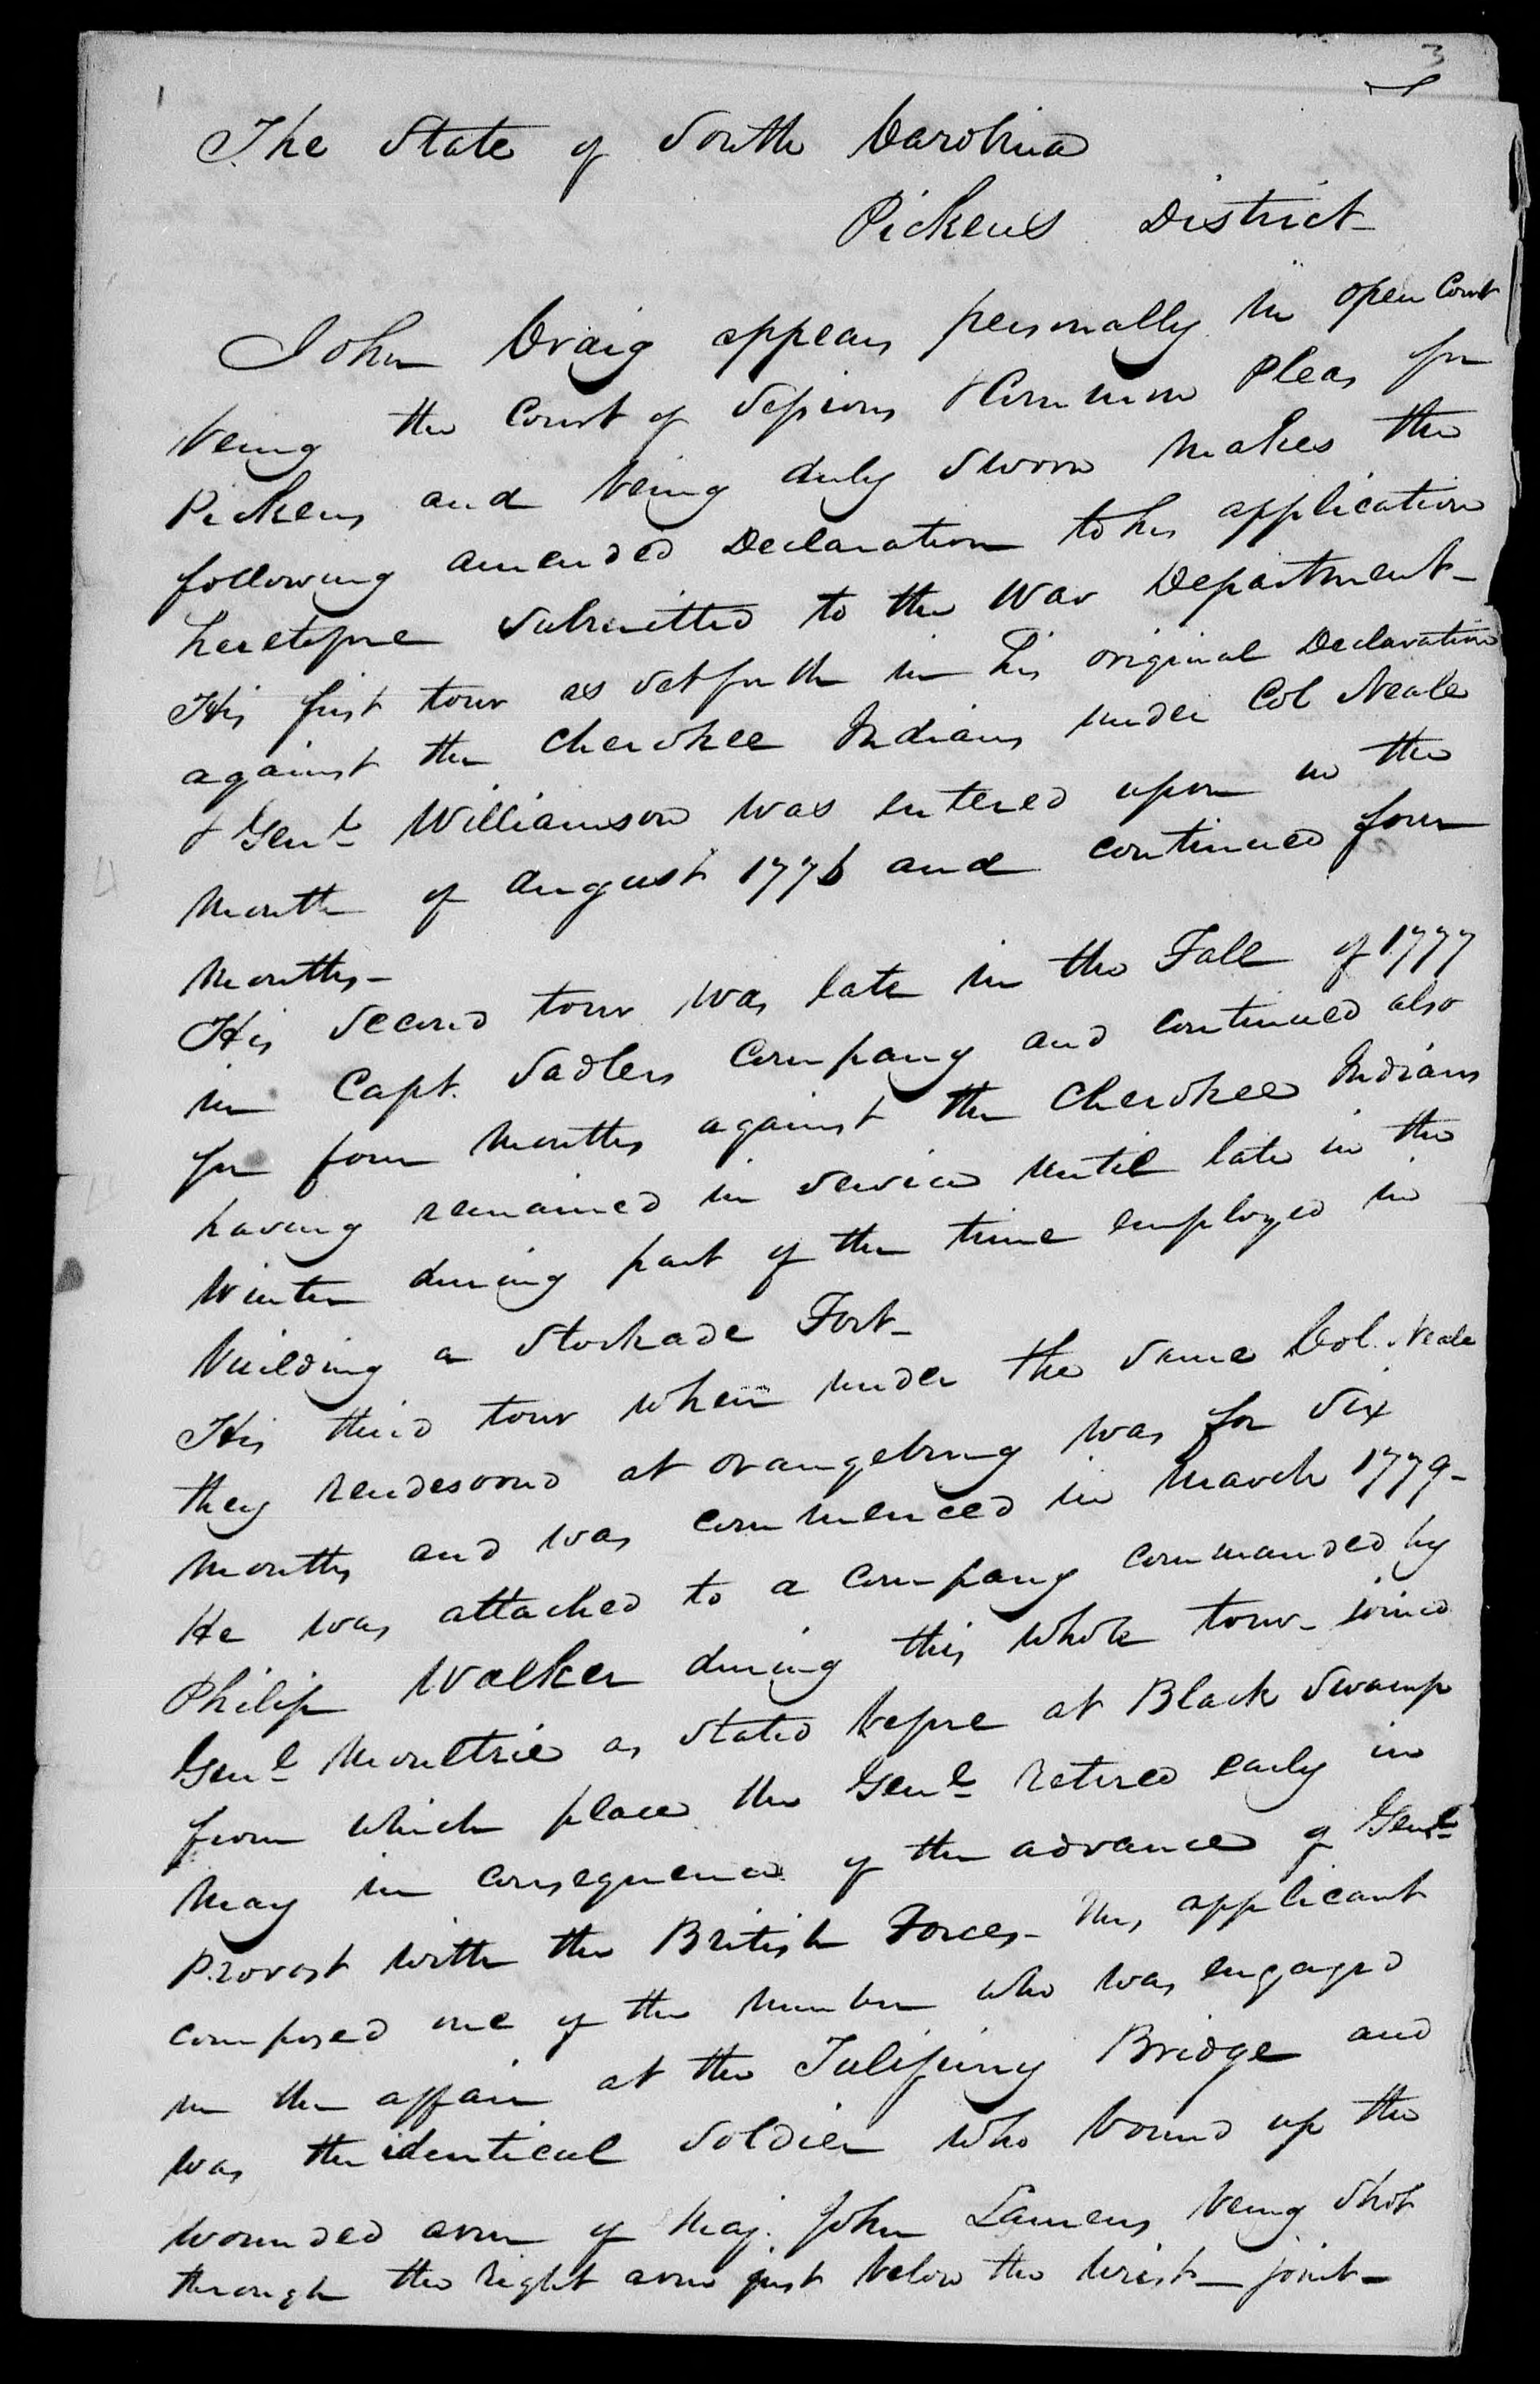The State of South Carolina
Pickens District

John Craig appears personally in open court being the Court of Sessions & Common Pleas for Pickens and being duly sworn makes the following amended Declaration to his application heretofore submitted to the War Department - 

His first tour as set forth in his original Declaration against the Cherokee Indians under Col. Neale & Genl Williamson was entered upon in the month of August 1776 and continued four months -

His second tour was late in the Fall of 1777 in Capt. Sadlers Company and continued also for four months against the Cherokee Indians having remained in service until late in the winter during part of the time employed in building a Stockade Fort.

His third tour wheir under the same Col. Wade
They rendezvoused at Orangeburg was for six months, and was commenced in March 1779 - He was attached to a company commanded by Philip Walker during this whole tour - joined Genl Moultrie as stated before a Black Swamp from which place the Genl retired early in May in consequences of the advance of Genl Provost with the British Forces.

The Applicant composed one of the number who was engaged in the affair at Tulifieny Bridge and was the identical soldier who bound up the wounded arm of Maj. John Lamens being shot through the right arm just below the wrist joint-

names: Philip Walker, John Lamens, John Craig, Neale, Williamson, Moultrie, Neale, Provost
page: 21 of 55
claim: widow's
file: W. 22864, John Craig, S.C. Born In Iceland